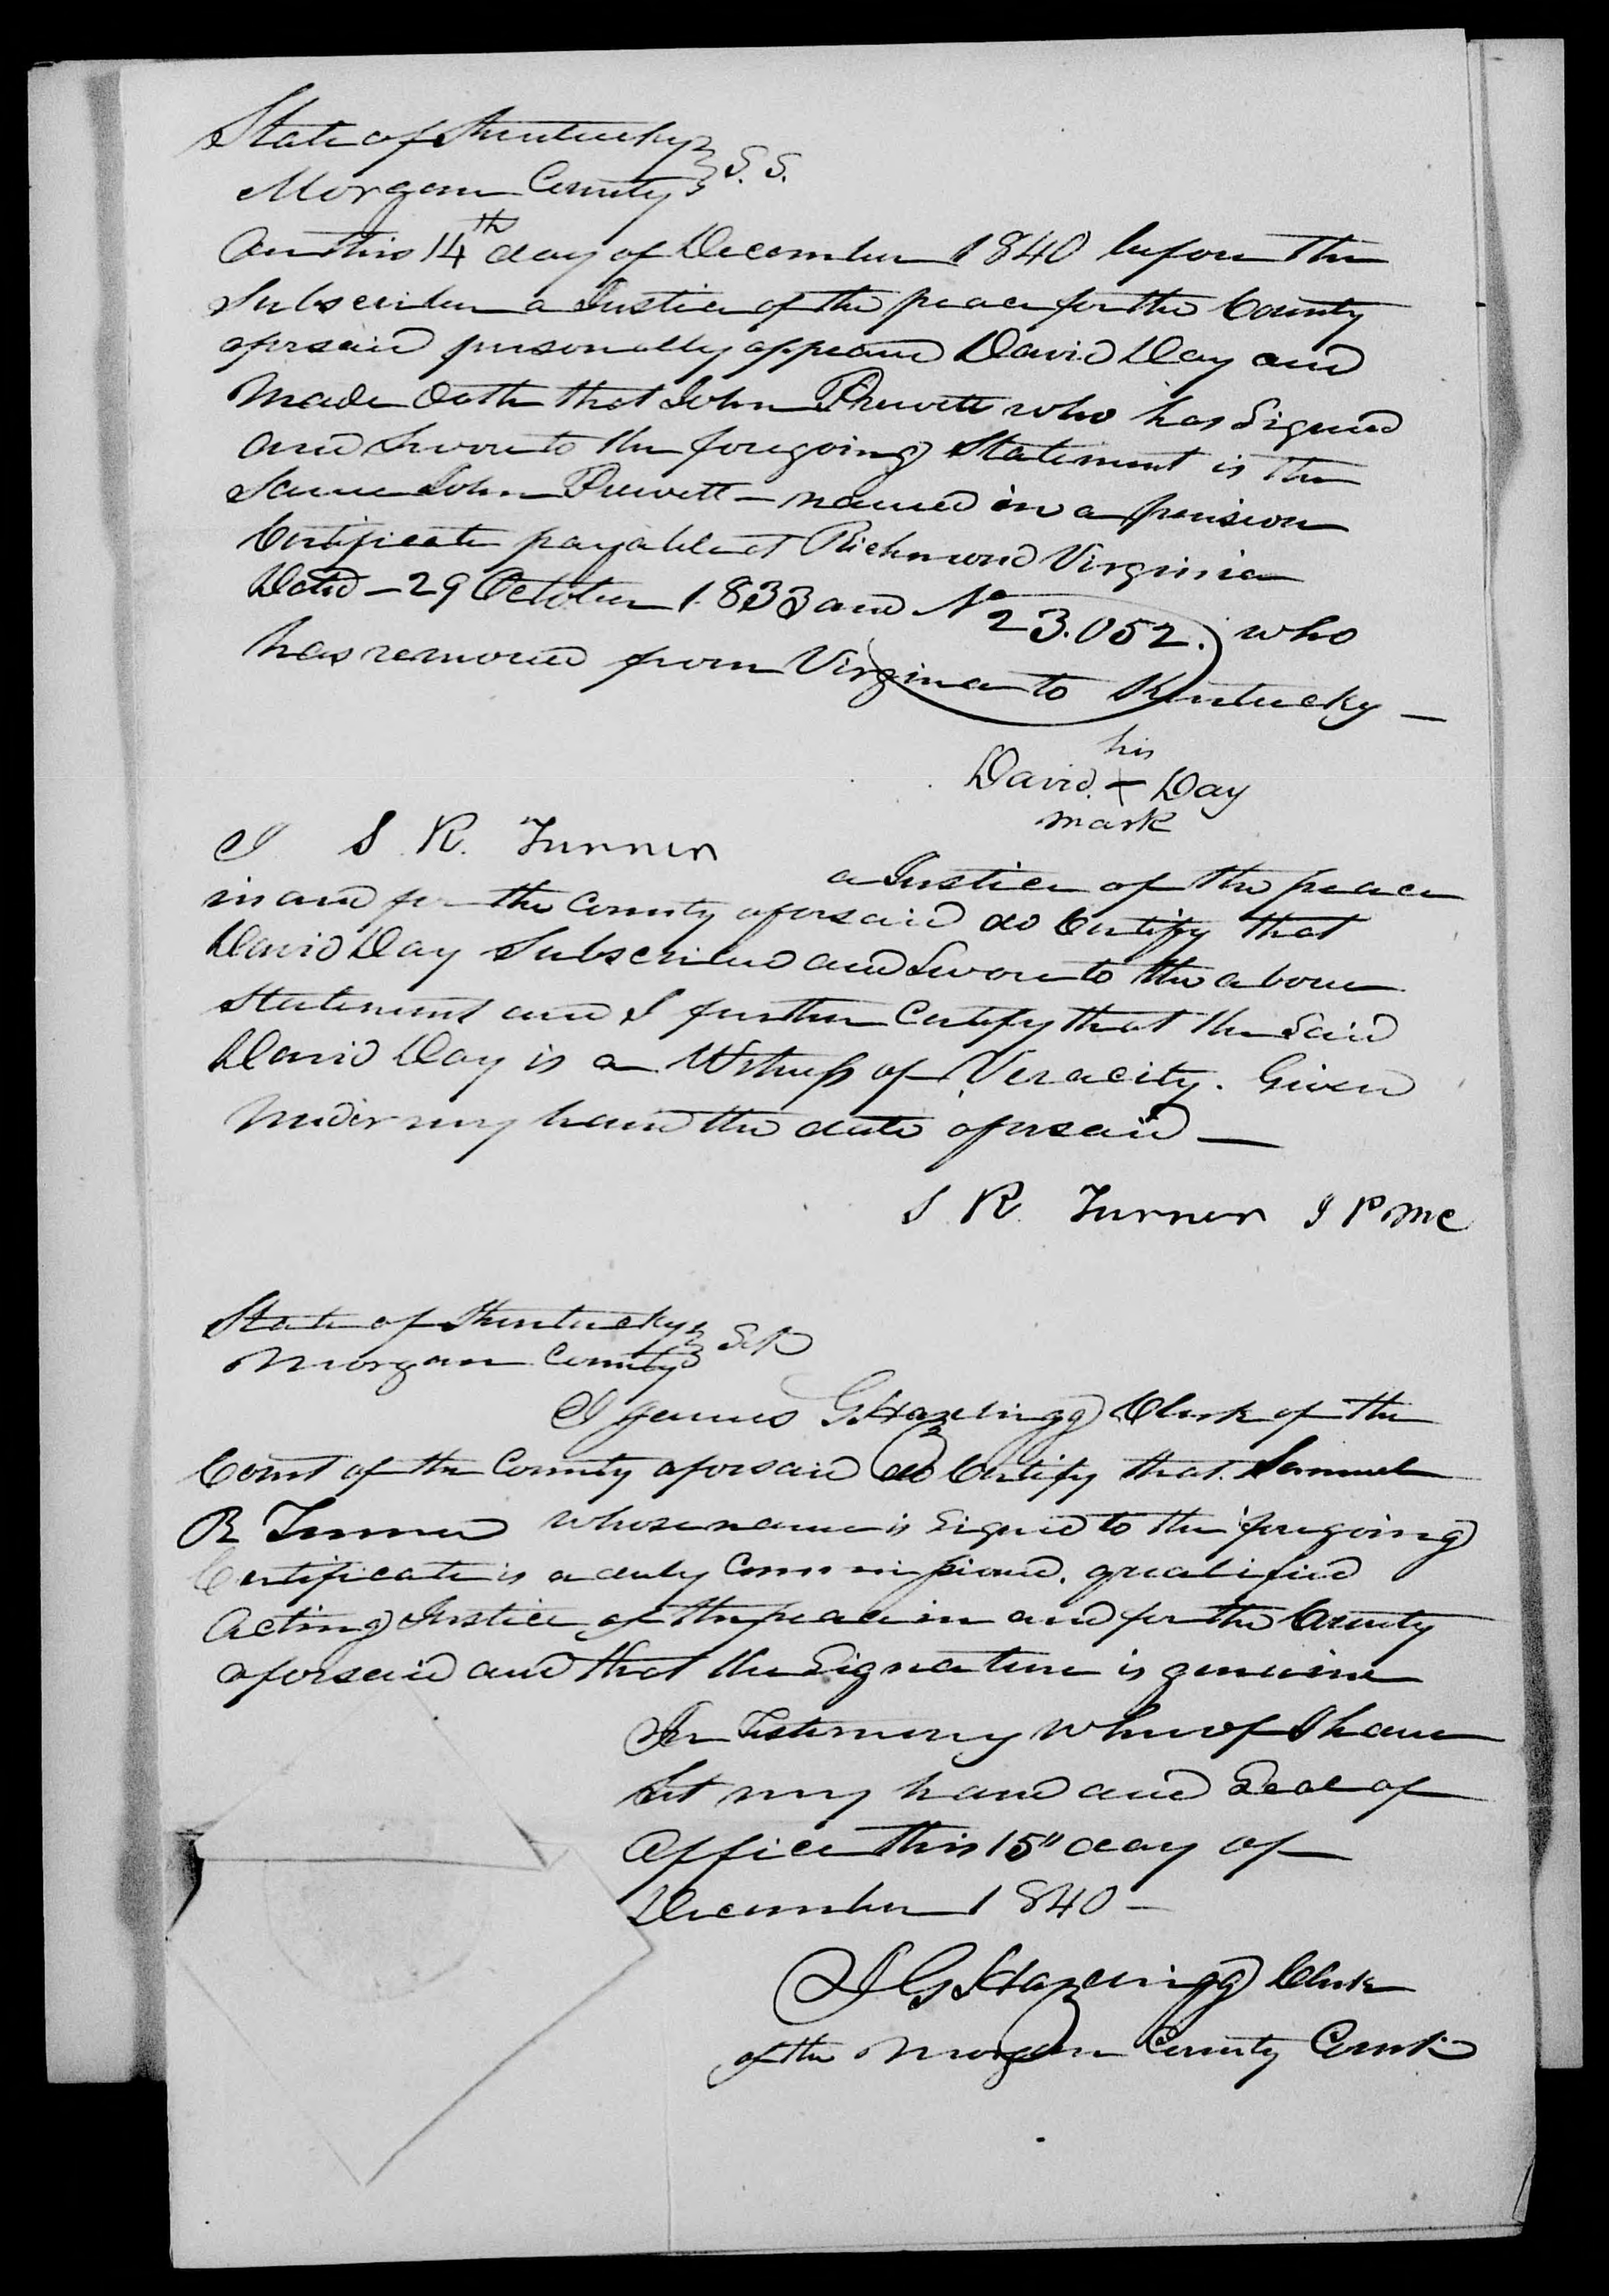State of Kentucky
Morgan County} S.S.
On this 14th day of December 1840 before the Subscriber a Justice of the peace for the County aforesaid personally appeared David Day and Made Oath that John Prewett who has Signed and Sworn to the foregoing statement is the Same John Prewett - named in a pension Certificate payable at Richmond Virginia Dated - 29 October 1833 and No 23.052. who has removed from Virginia to Kentucky -
David x his mark Day

I S. R. Turner a Justice of the peace in and for the County aforesaid do Certify that David Day Subscribed and Swore to the above Statement and I further Certify that the said David Day is a Witness of Veracity. Given under my hand the date aforesaid -
S. R. Turner JPMC

State of Kentucky
Morgan County} Sct
I James G Hazelrigg Clerk of the Court of the County aforesaid do Certify that Samuel R Turner whose name is signed to the foregoing Certificate is a duly Commissioned, qualified Acting Justice of the peace in and for the County aforesaid and that the Signature is genuine
In Testimony whereof I have Set my hand and seal of Office this 15" day of December 1840 -
S G Hazelrigg Clerk
of the Morgan County Court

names: James G Hazelrigg; Samuel R Turner; David Day; John Prewett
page: 12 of 35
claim: survivor's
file: S. 30,665, for John Prewett, Virginia